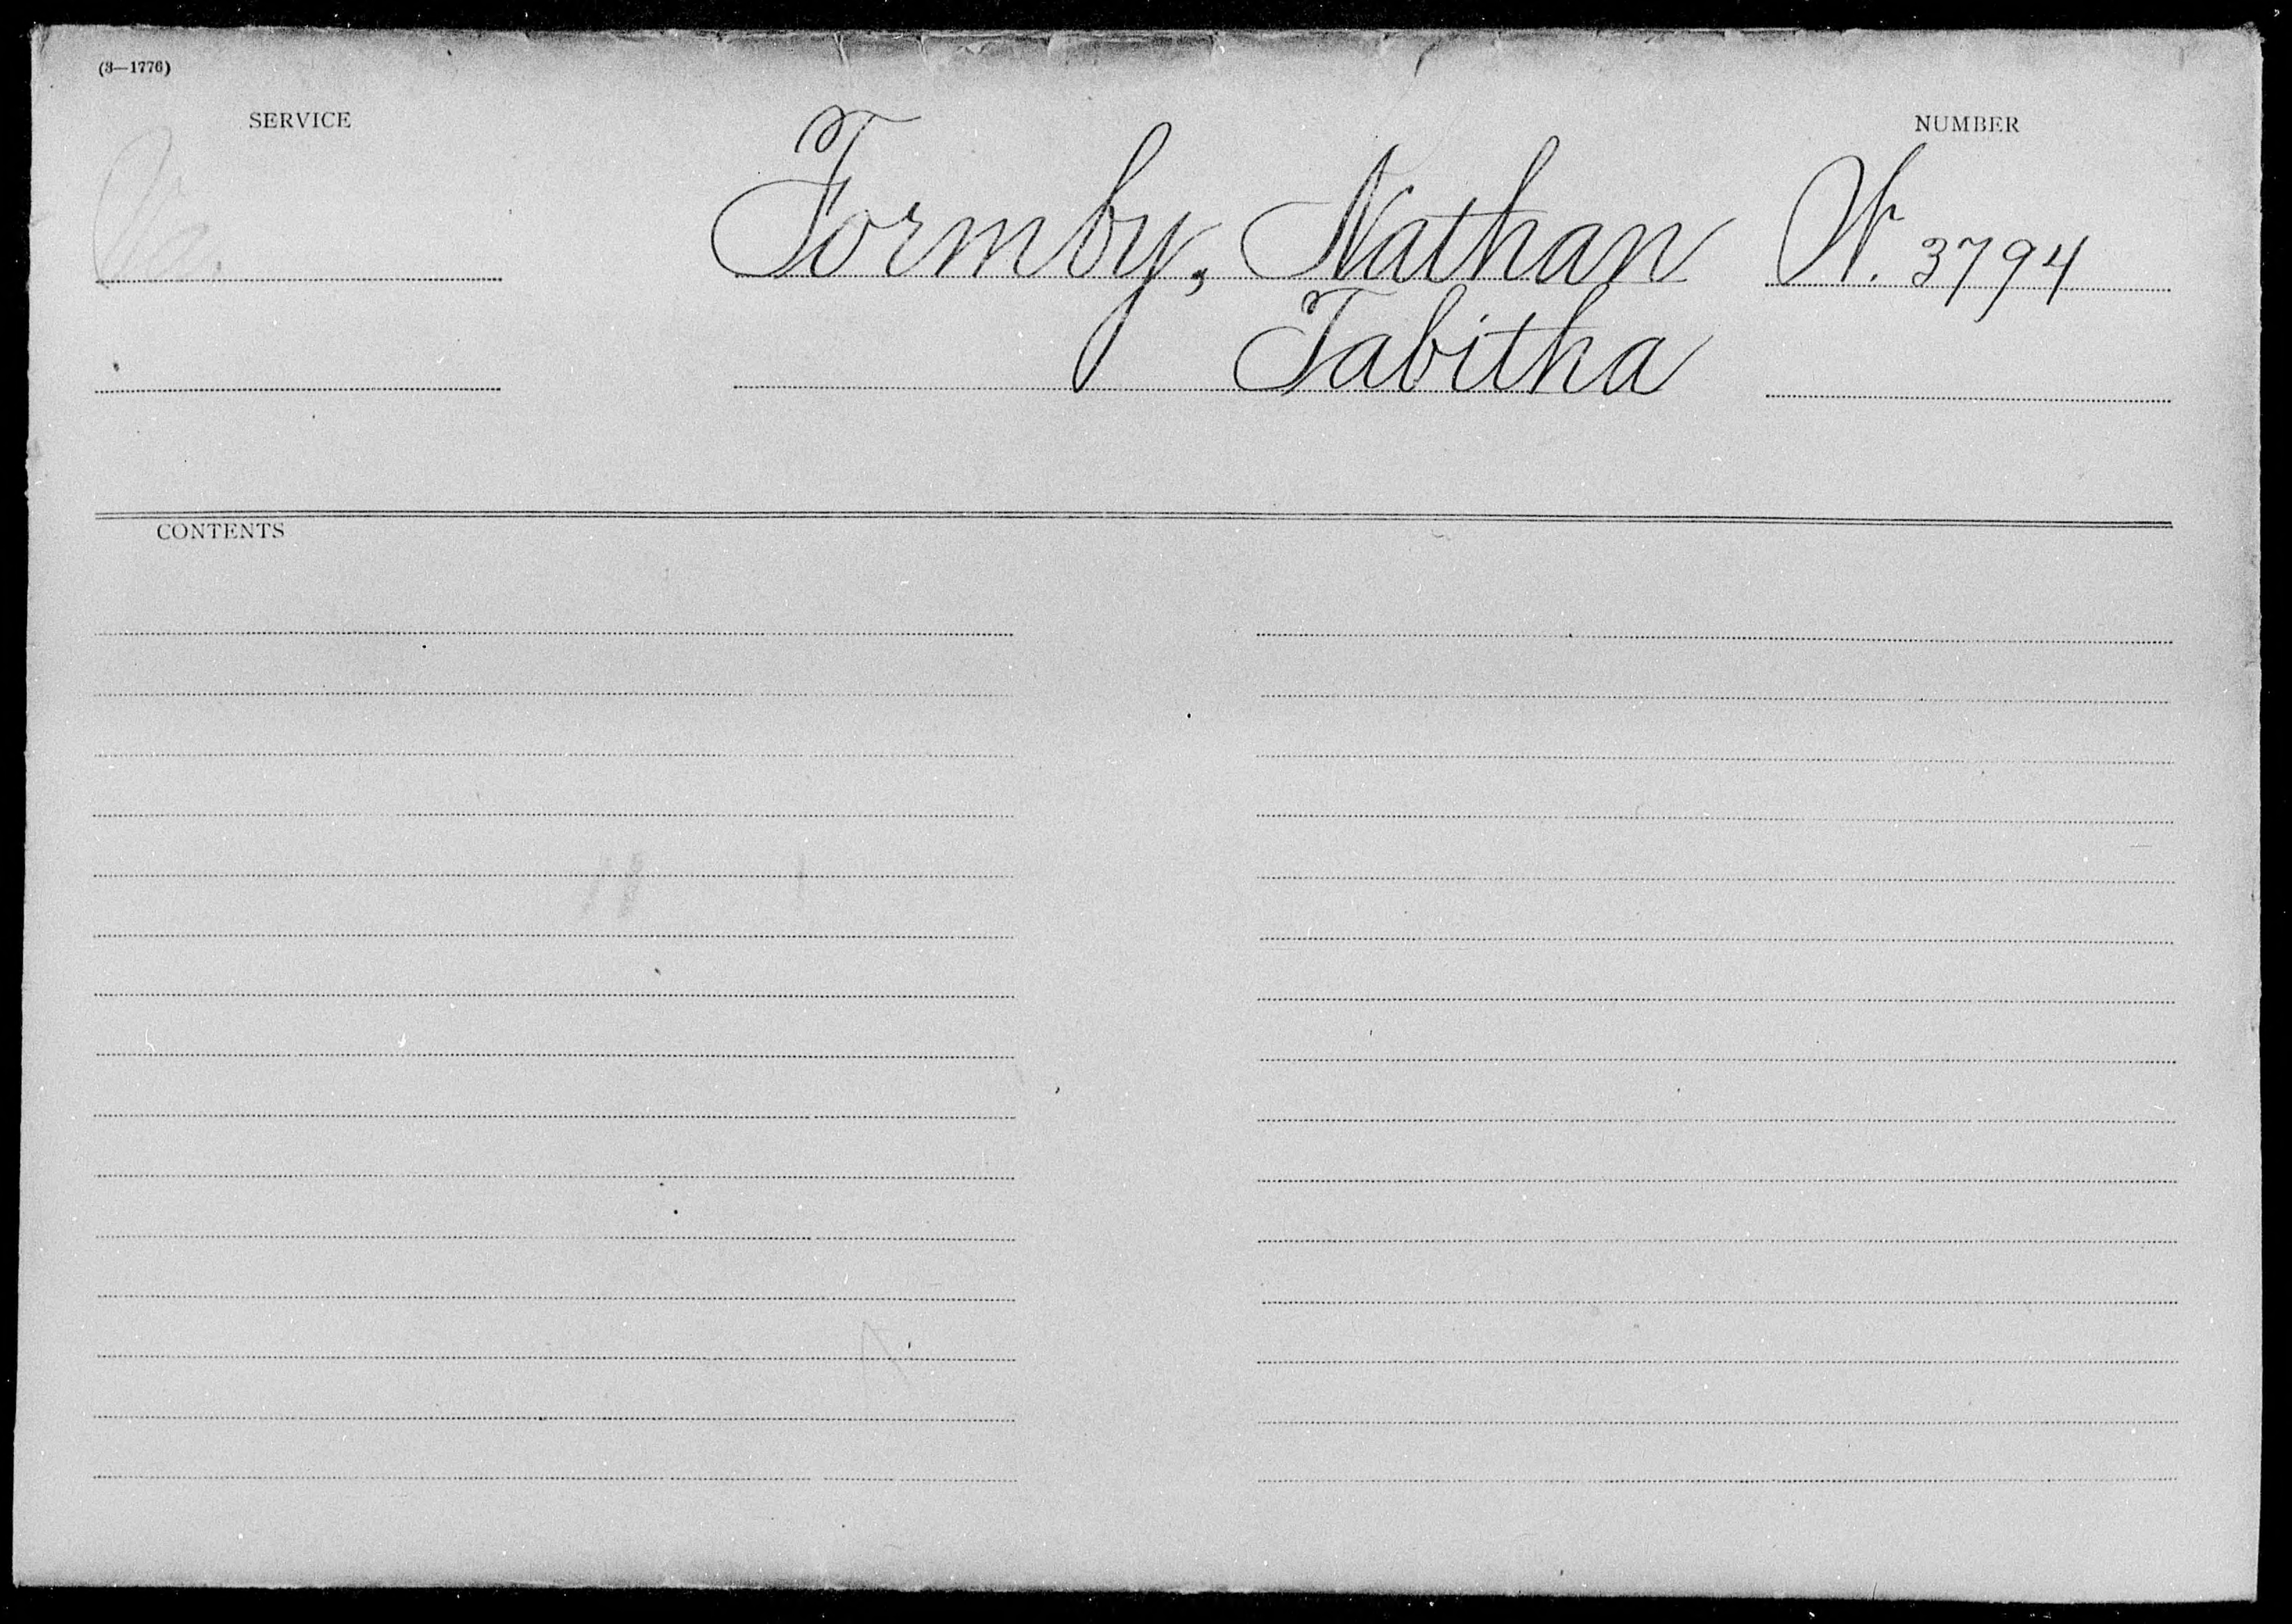(3-1776)

SERVICE
Va.

Formby, Nathan
Tabitha

NUMBER
W. 3794

CONTENTS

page: 1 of 54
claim: widow's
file: W. 3794, Nathan Formby, Va.